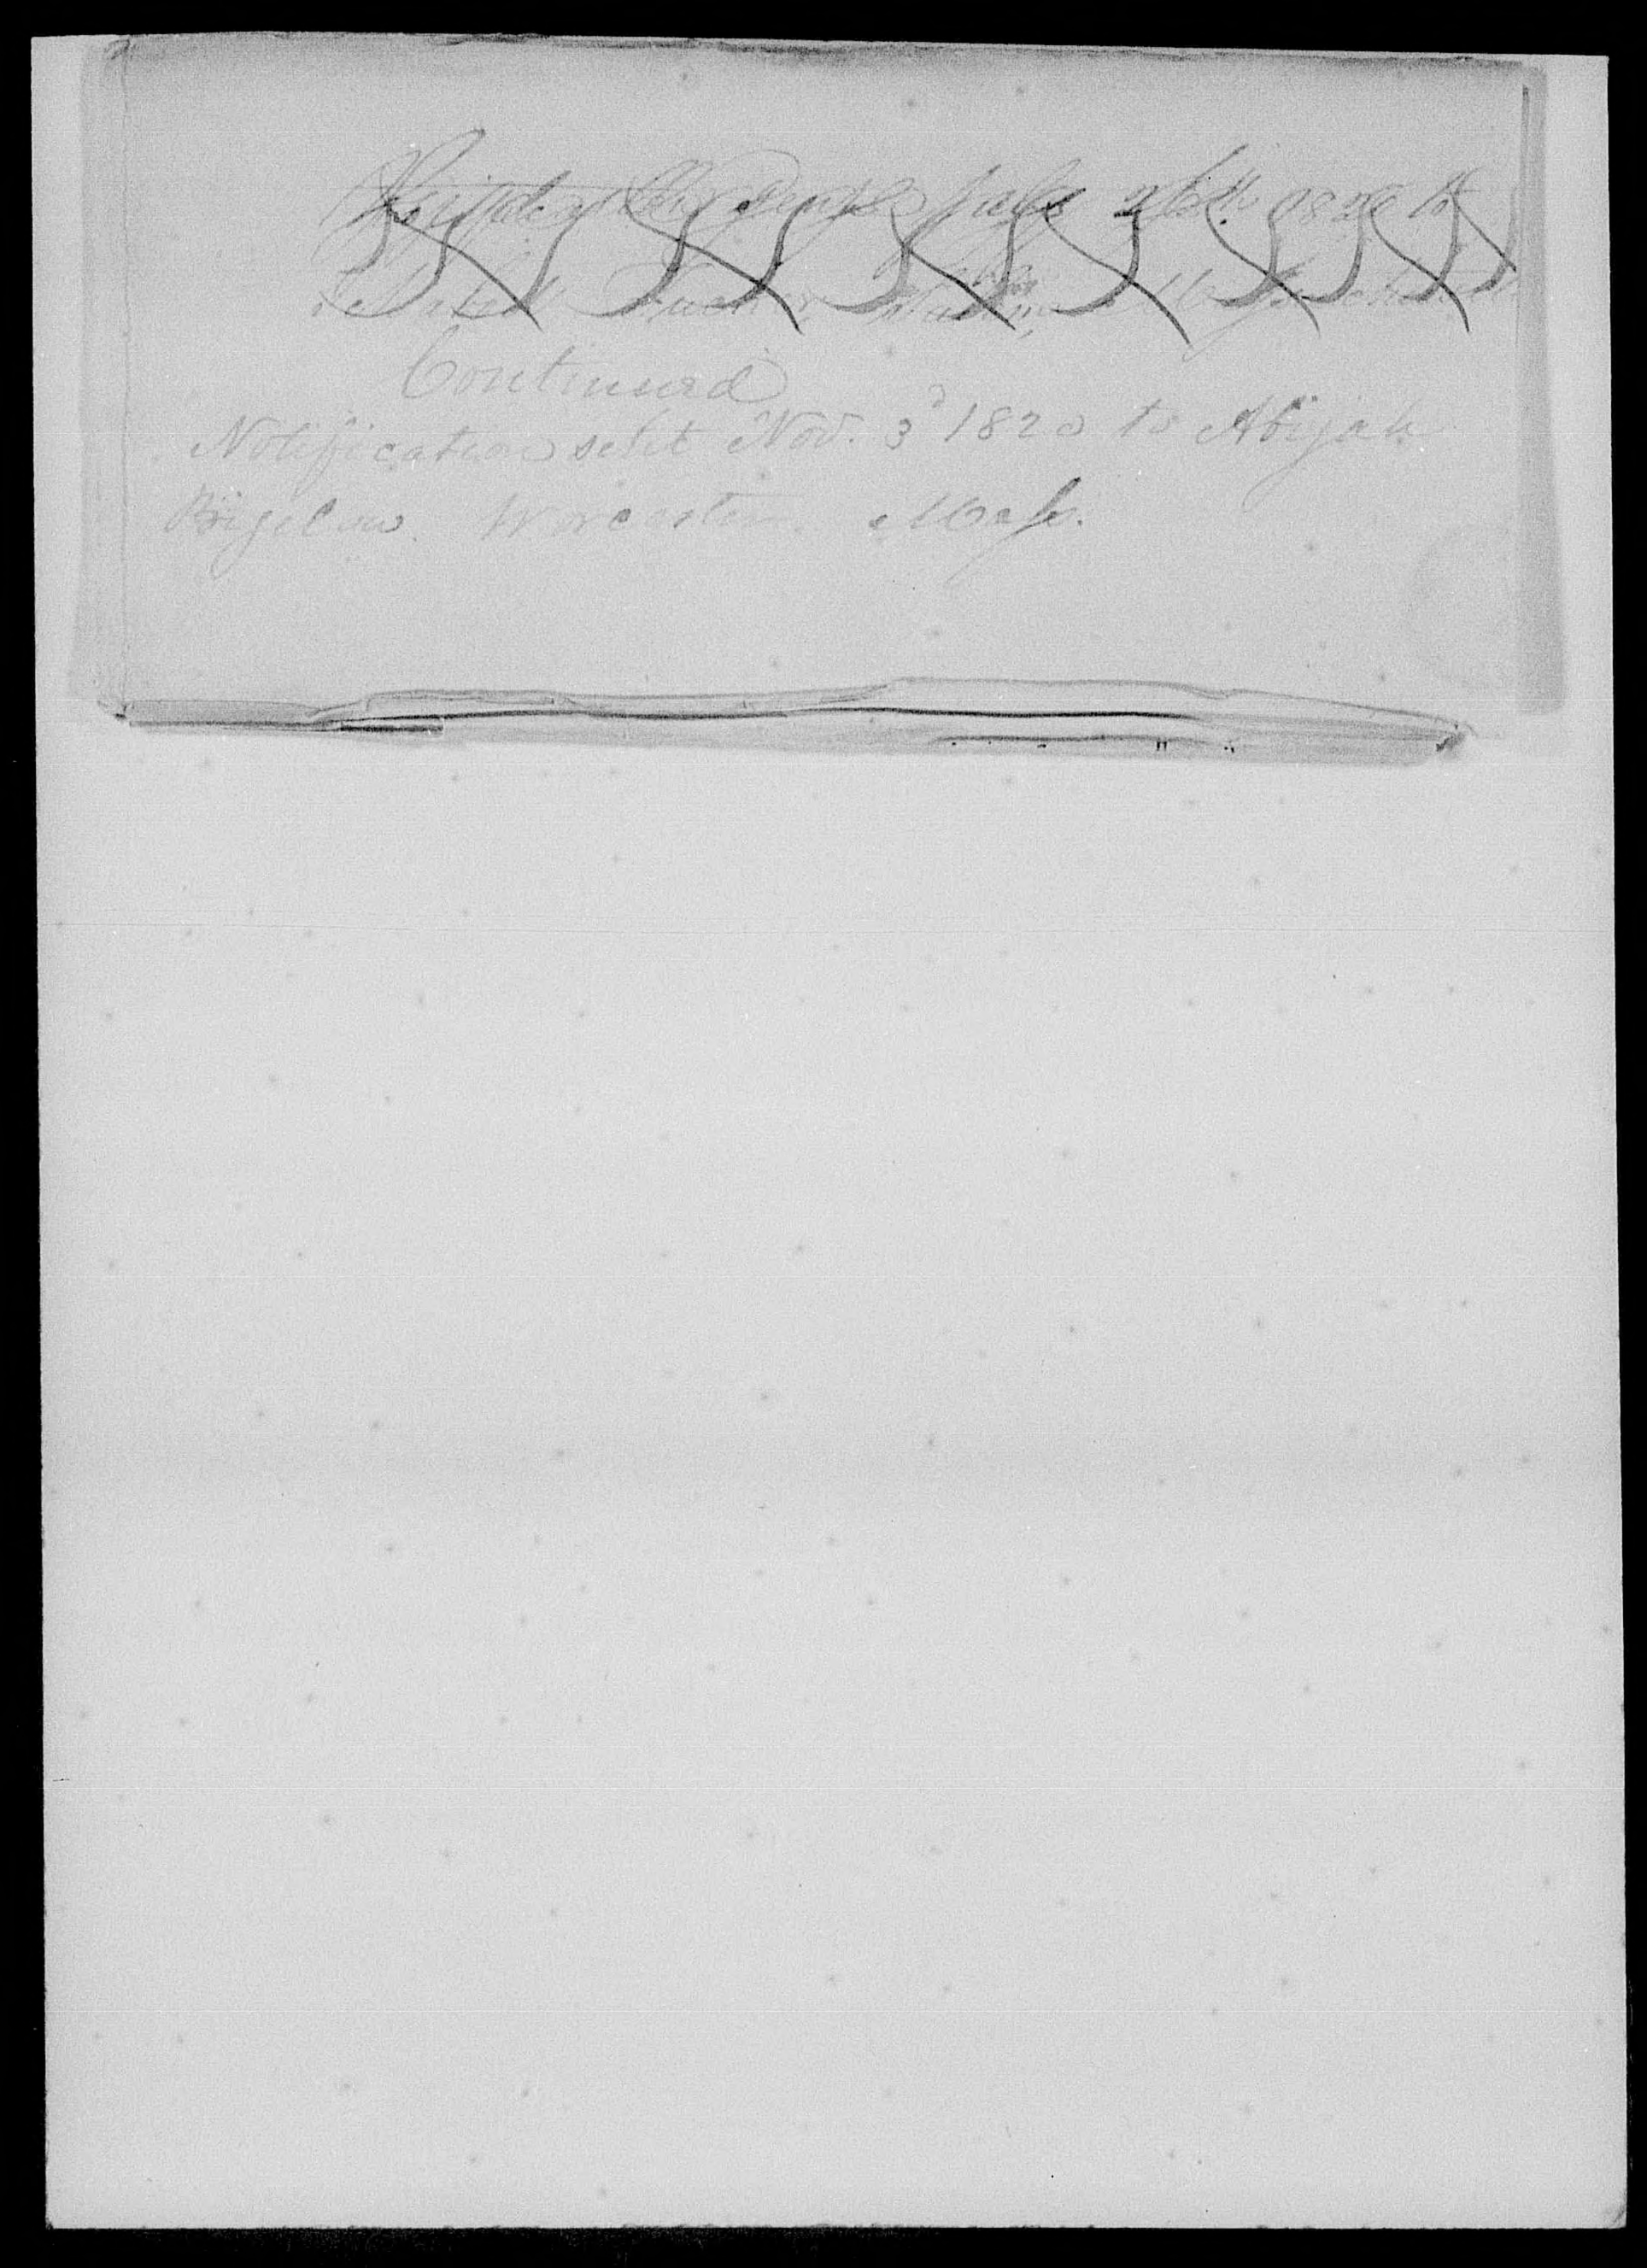[Text in pencil]
[first two lines are crossed-out and illegible]

Continued
Notification sent Nov. 3d 1820 to Abijah
Bigelow, Worcester Mass.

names: Ichabod Tucker, Abijah Bigelow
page: 3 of 13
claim: survivor's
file: S. 32,846, Benjamin Hobbs, Continental Mass. & War Of 1812